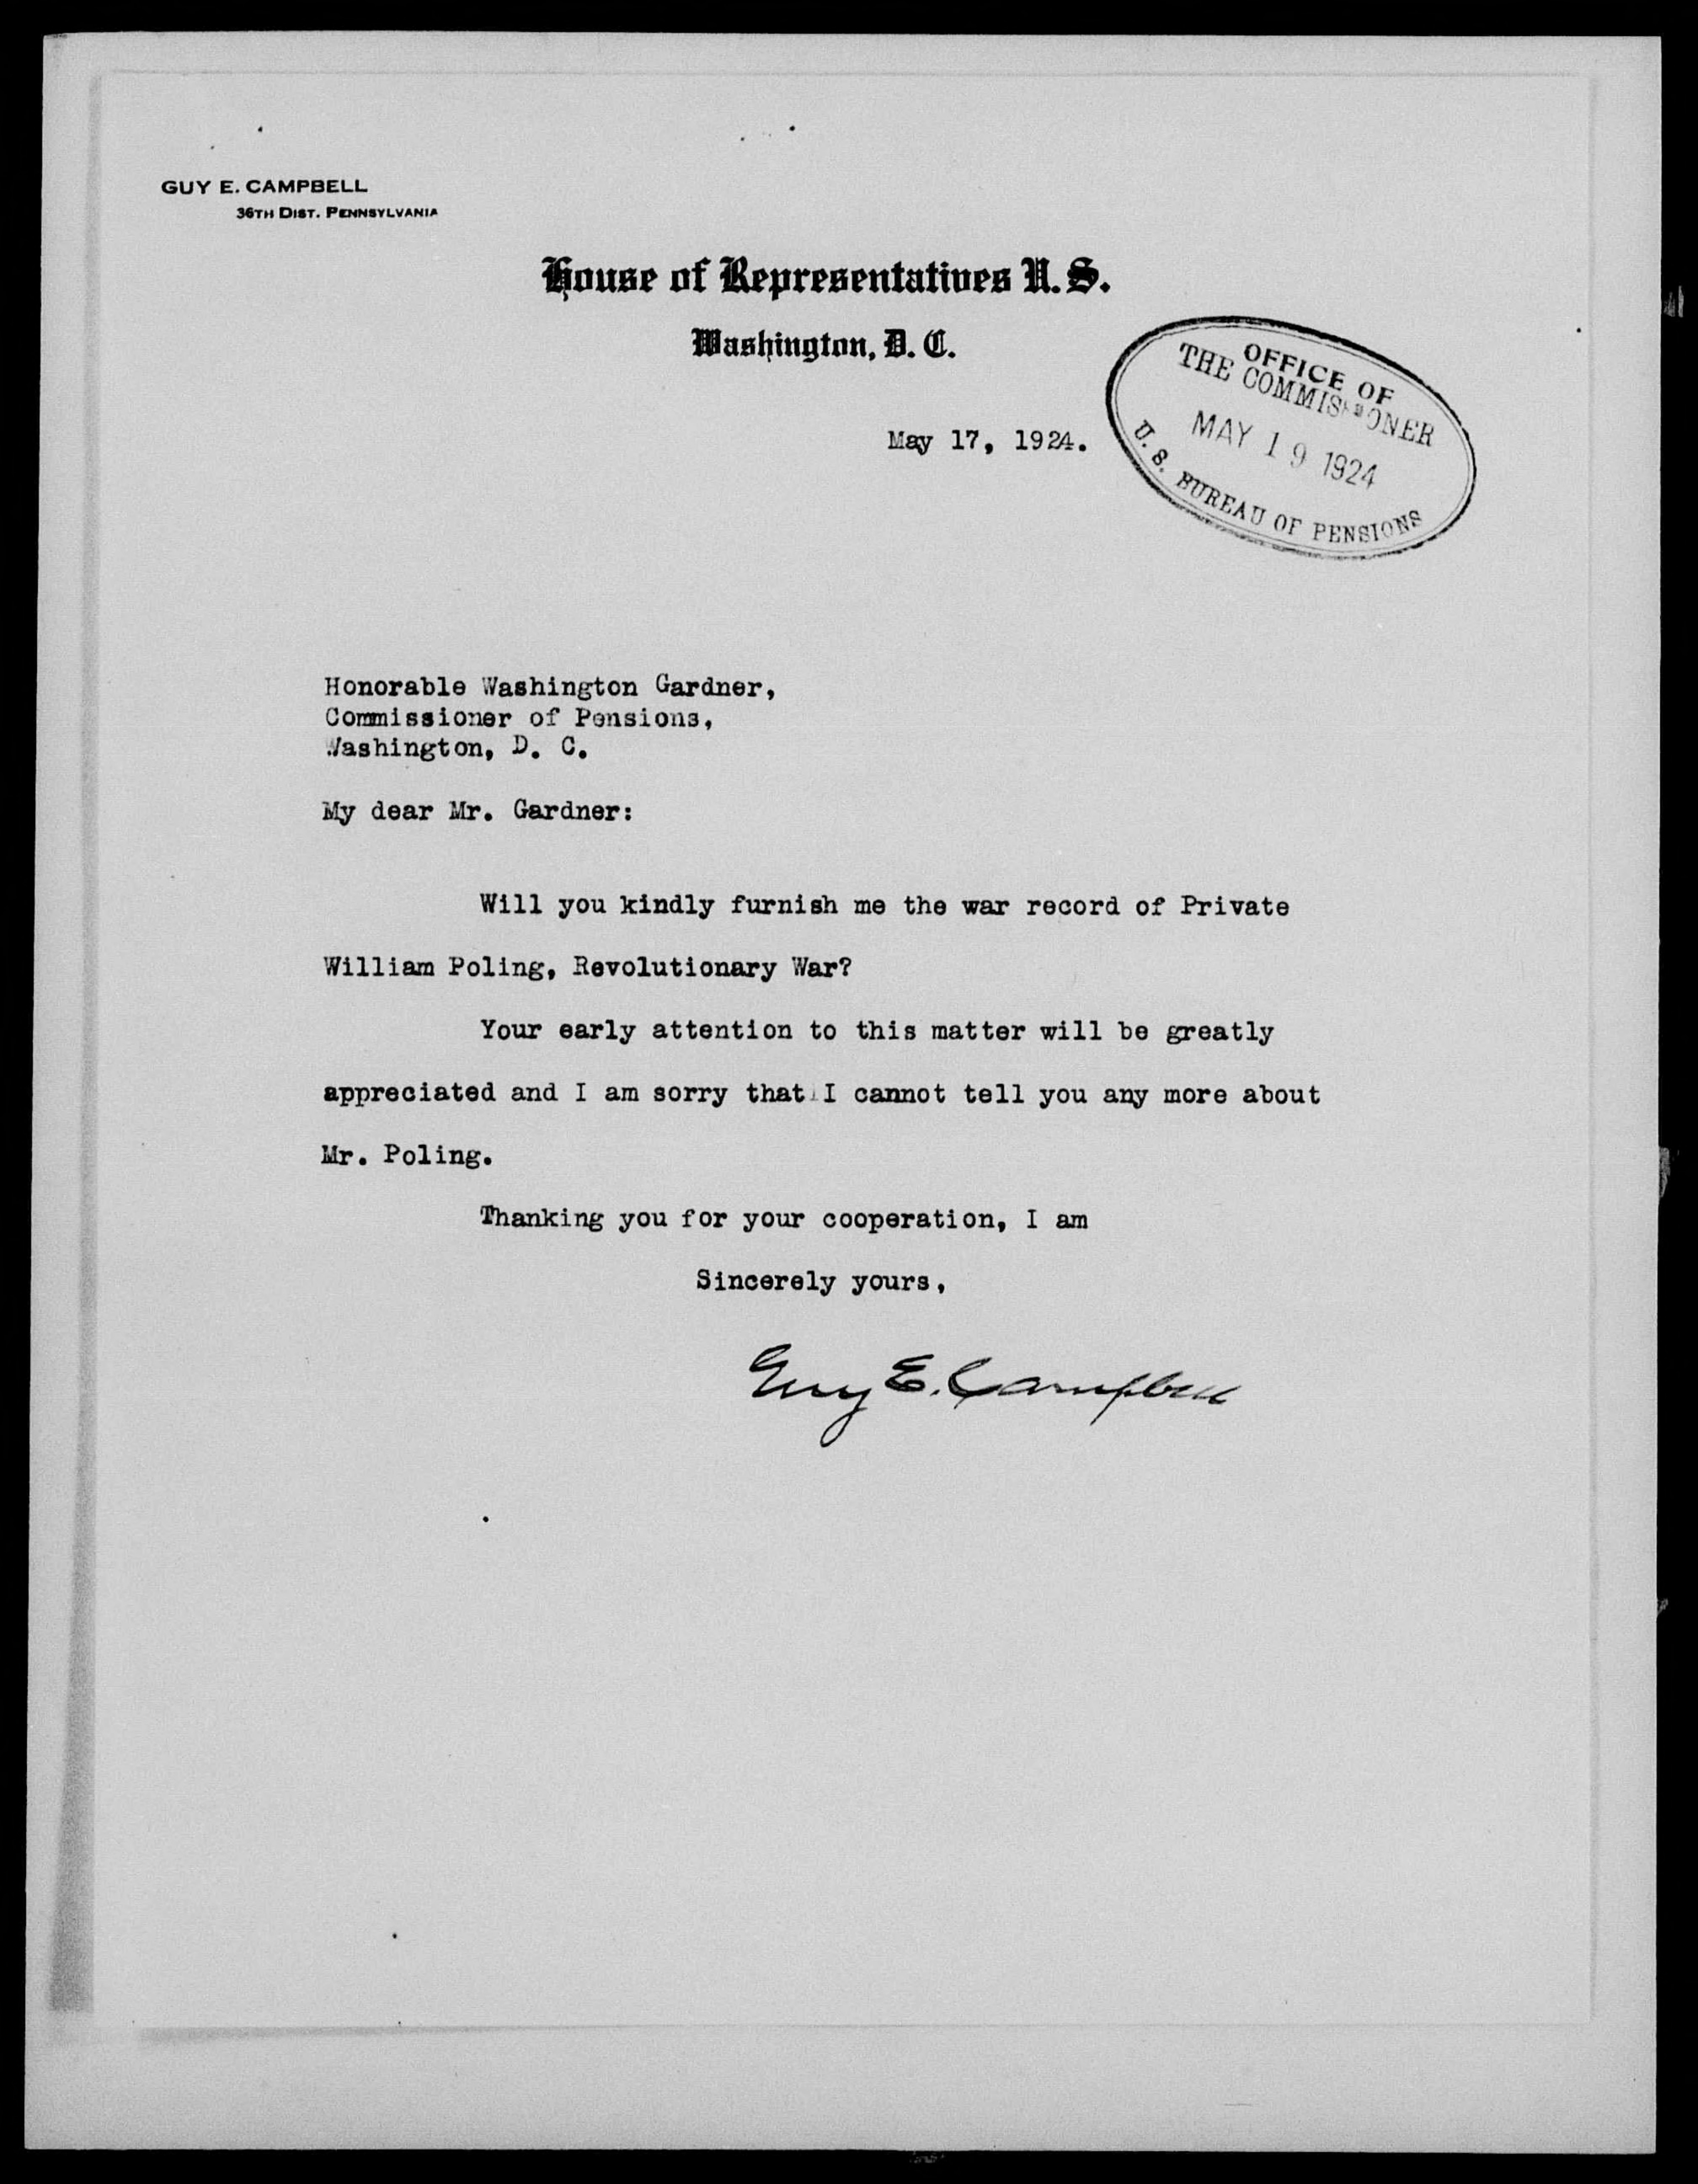Guy E. Campbell
38th Dist. Pennsylvania
House of Representatives U.S.
Washington, D.C.
May 17, 1924.
Honorable Washington Gardner, 
Commissioner of Pensions, 
Washington. D.C.
My dear Mr. Gardner:
Will you kindly furnish me the war record of Private William Poling, Revolutionary War?
Your early attention to this matter will be greatly appreciated and I am sorry that I cannot tell you any more about Mr. Poling.
Thanking you for your cooperation, I am
Sincerely yours,
Guy E. Campbell
Stamp: Office of the Commissioner U.S. Bureau of Pensions, May 19, 1924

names: Washington Gardner; Guy E Campbell; William Poling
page: 19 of 21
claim: survivor's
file: S. 32453, for William Polen, Virginia